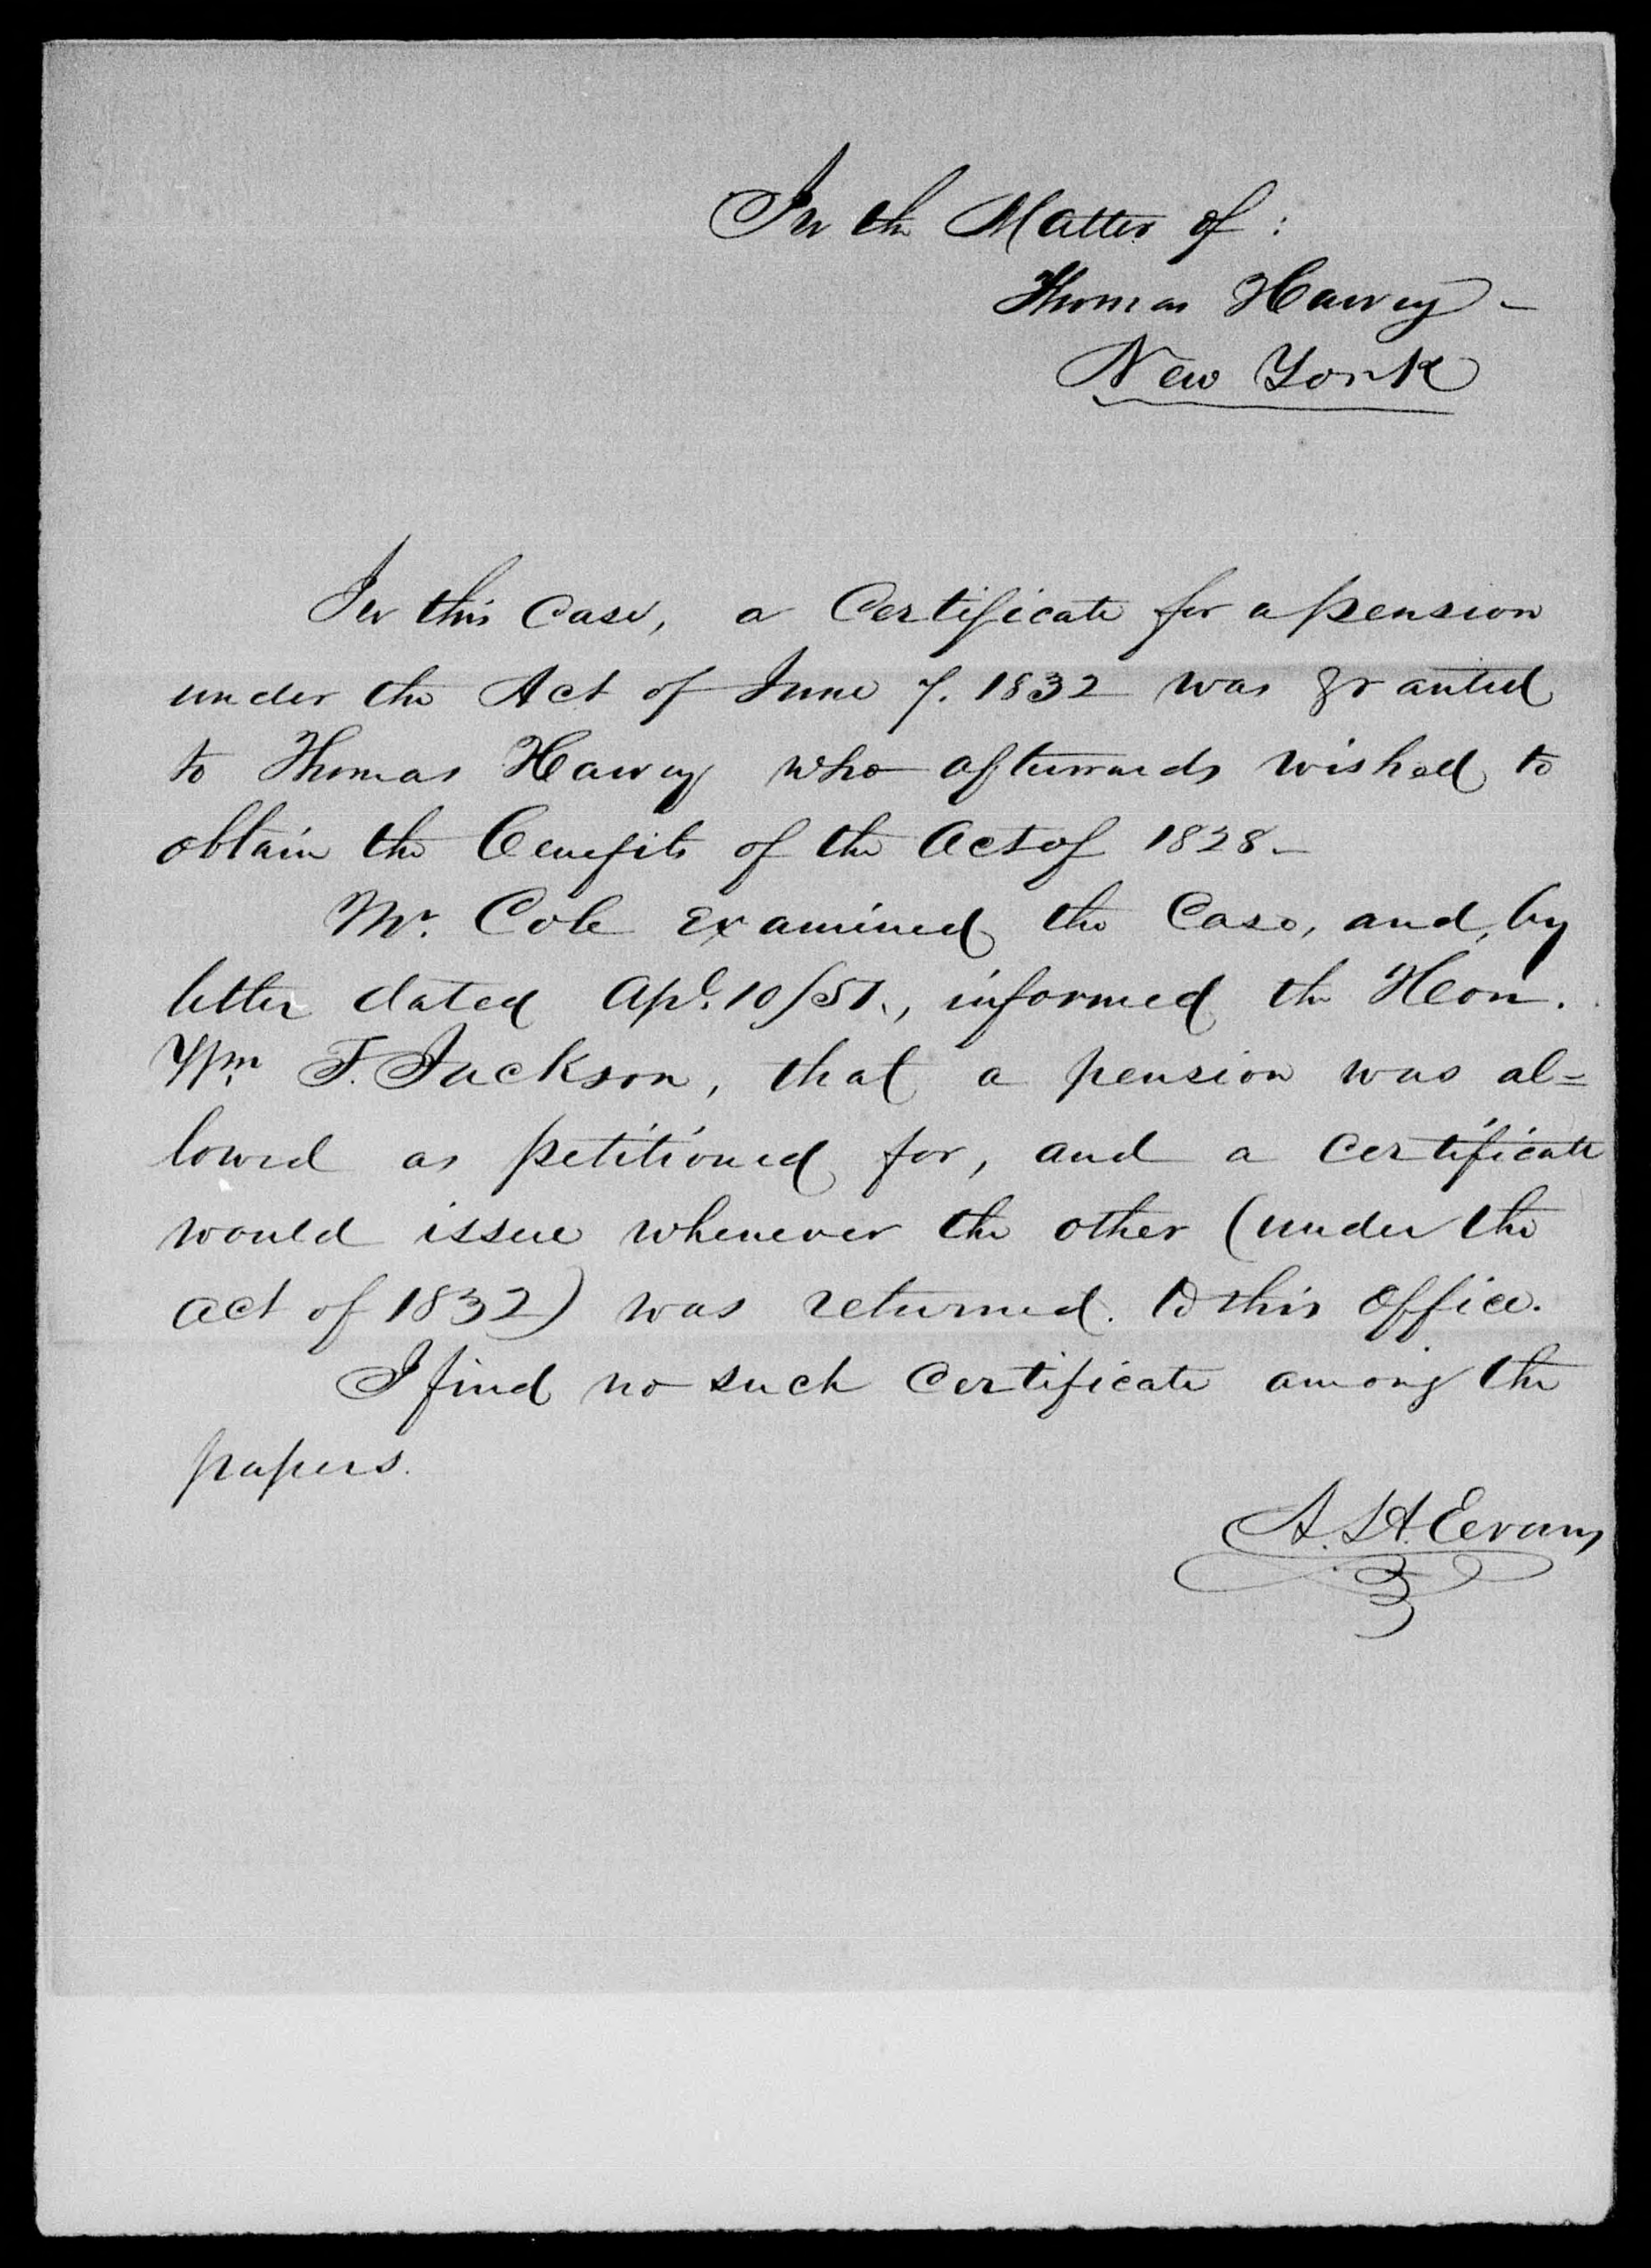In the Matter of Thomas Harvey - New York

In this case, a Certificate for a pension under the Act of June 7, 1832 was granted to Thomas Harvey who afterwards wished to obtain the benefits of the Act of 1828 - 
Mr. Cole examined the Case, and, by letter dated Apl. 10/51, informed the Hon. Wm. F. Jackson, that a pension was allowed as petitioned for, and a certificate would issue whenever the other (under the act of 1832) was returned to  this office. 
I find no such certificate among the papers. 
/s/A. H. Evans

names: A H Evans, Thomas Harvey, Wm T Jackson, Cole, Thomas Harvey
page: 34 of 80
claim: survivor's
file: S. 18008, Thomas Harvey, N.H.